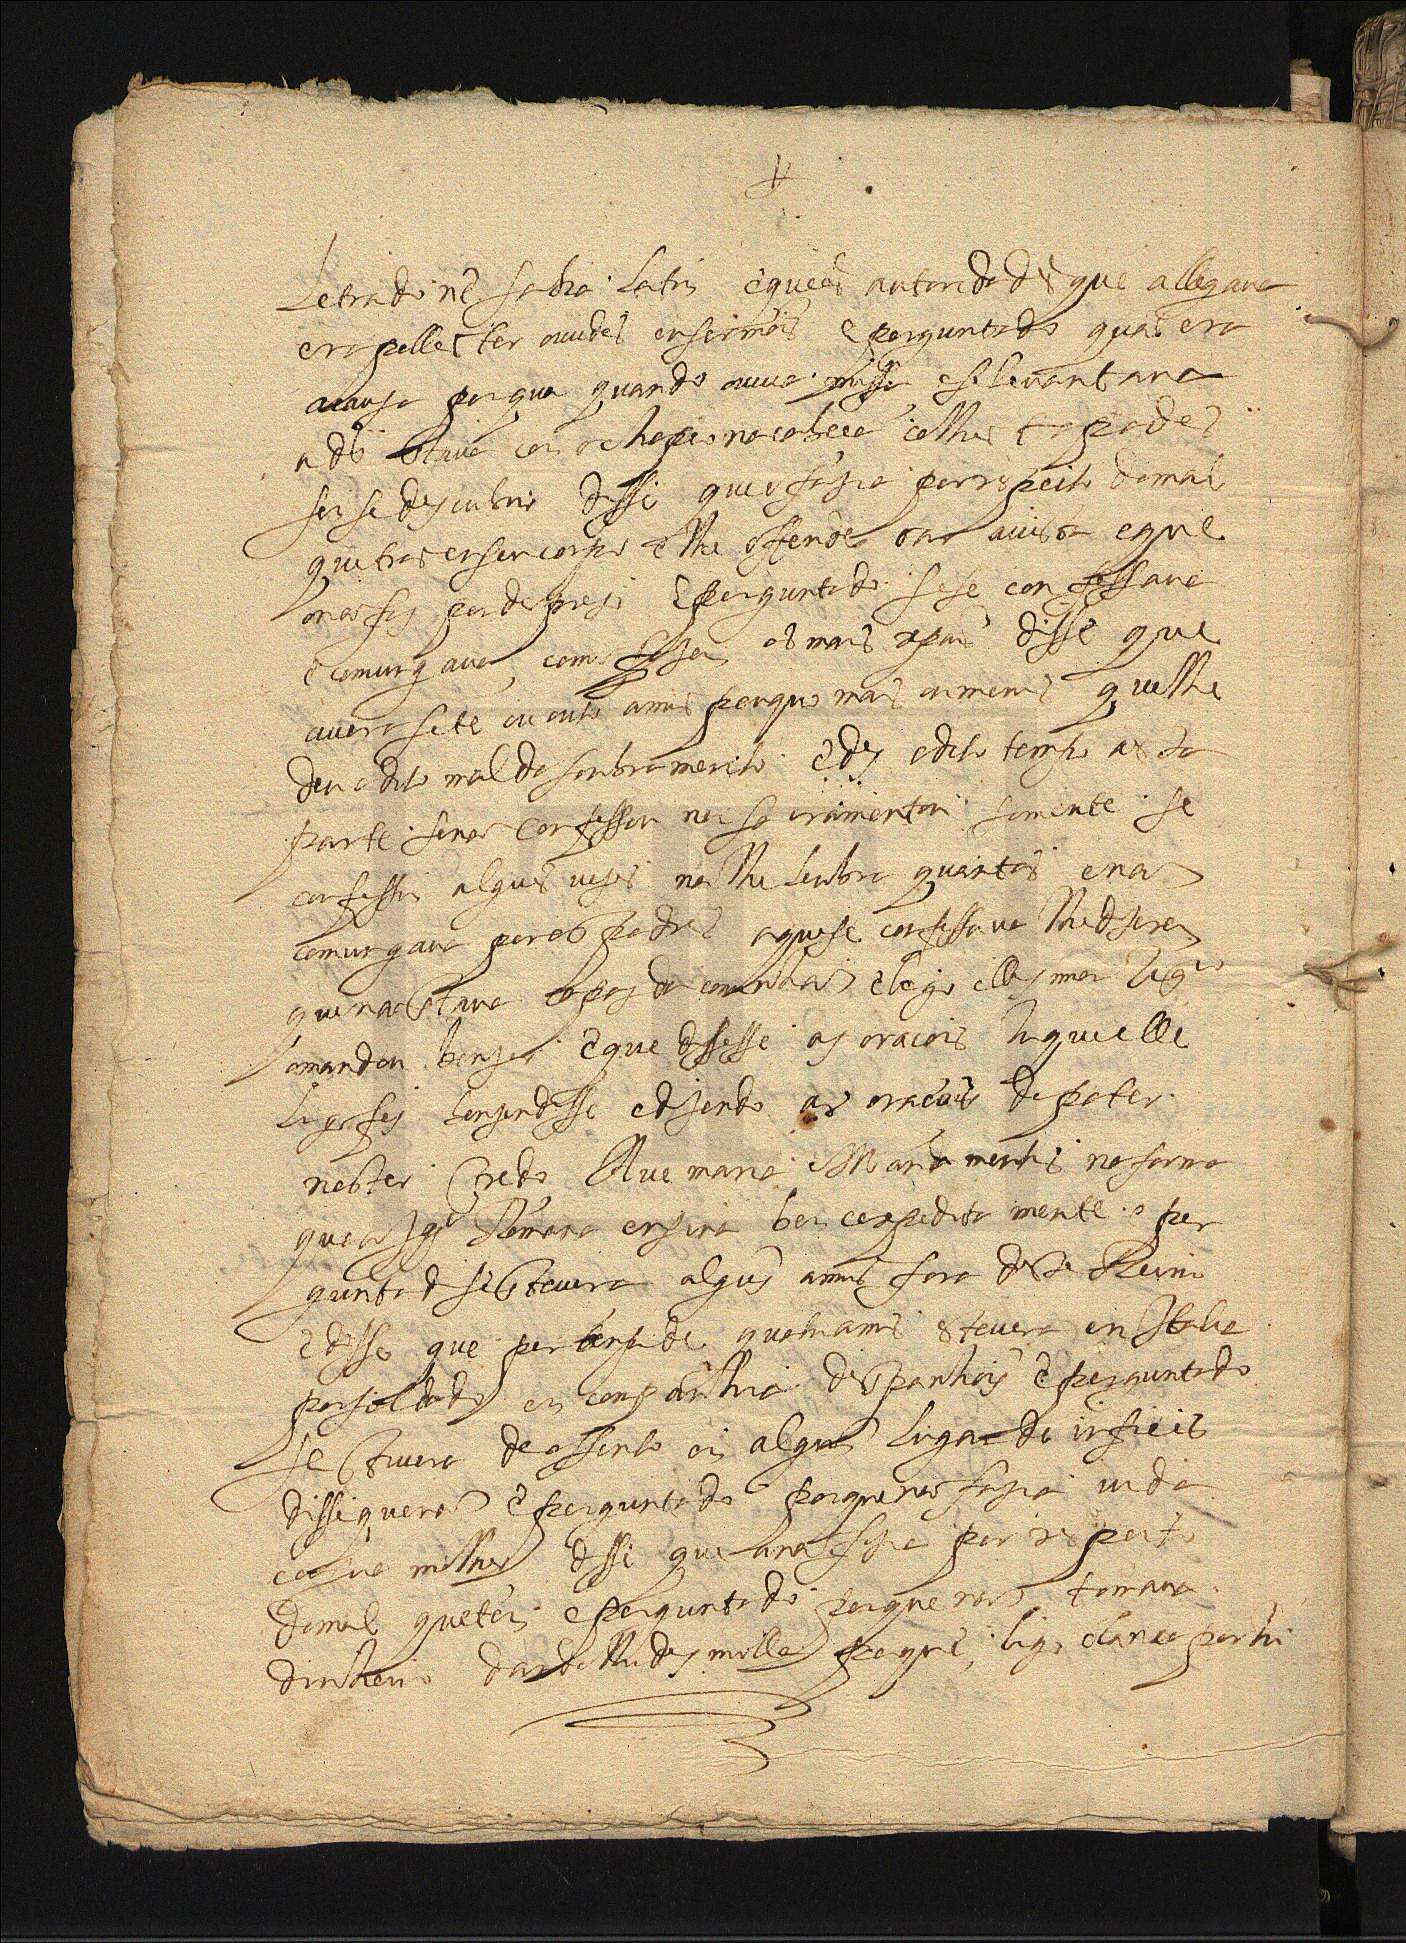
Letrado nē sabia Latim e que as autoridades que allegaua
era pollas ter ouuidas en sermõis e perguntado qual era
a causa por qua quando ouuia missa e se leuantaua
a ds̄ estaua com o chapeo na cabeça e olhos tapados
sem se descubrir disse que o fazia por respeito do mal
que tras en seu corpo e lhe offende o uer a uista e que
o naõ fez por despreso E perguntado se se confessaua
e comungaua como fasem os mais xpaõs disse que
auera sete ou outo annos pouquo mais ou menos que lhe
deu o dito mal dasombramento e des o dito tempo a esta
parte se naõ confessou nem sacramentou somente se
confessou alguas̄ uezes naõ lhe lembra quantas e naõ
comungaua por os padres a que se confessaua lhe dizerem
que naõ estaua capas da comunhaõ e logo elle snnor Vigro
o mandou benzer e que dissesse as oraçois ho que elle
logo fes benzendosse e dizendo as oraçõis de pater
noster Credo, Aue maria e Mandamentos na forma
que a Jgja Romana ensina bem e expeditamente. e per
guntado se steuera algūs annos fora deste Reino
e disse que per tempo de quatro annos esteuera em Jtalia
por soldado em companhia despanhois e perguntado
se stiuera de assento em algū lugar de infieis
disse que naõ e perguntado porque naõ fazia uida
com sua molher disse que a naõ fazia por respeito
do mal que tem e perguntado porque naõ tomaua
dinheiro dandolhe desmolla porque, logo o lança por hi
